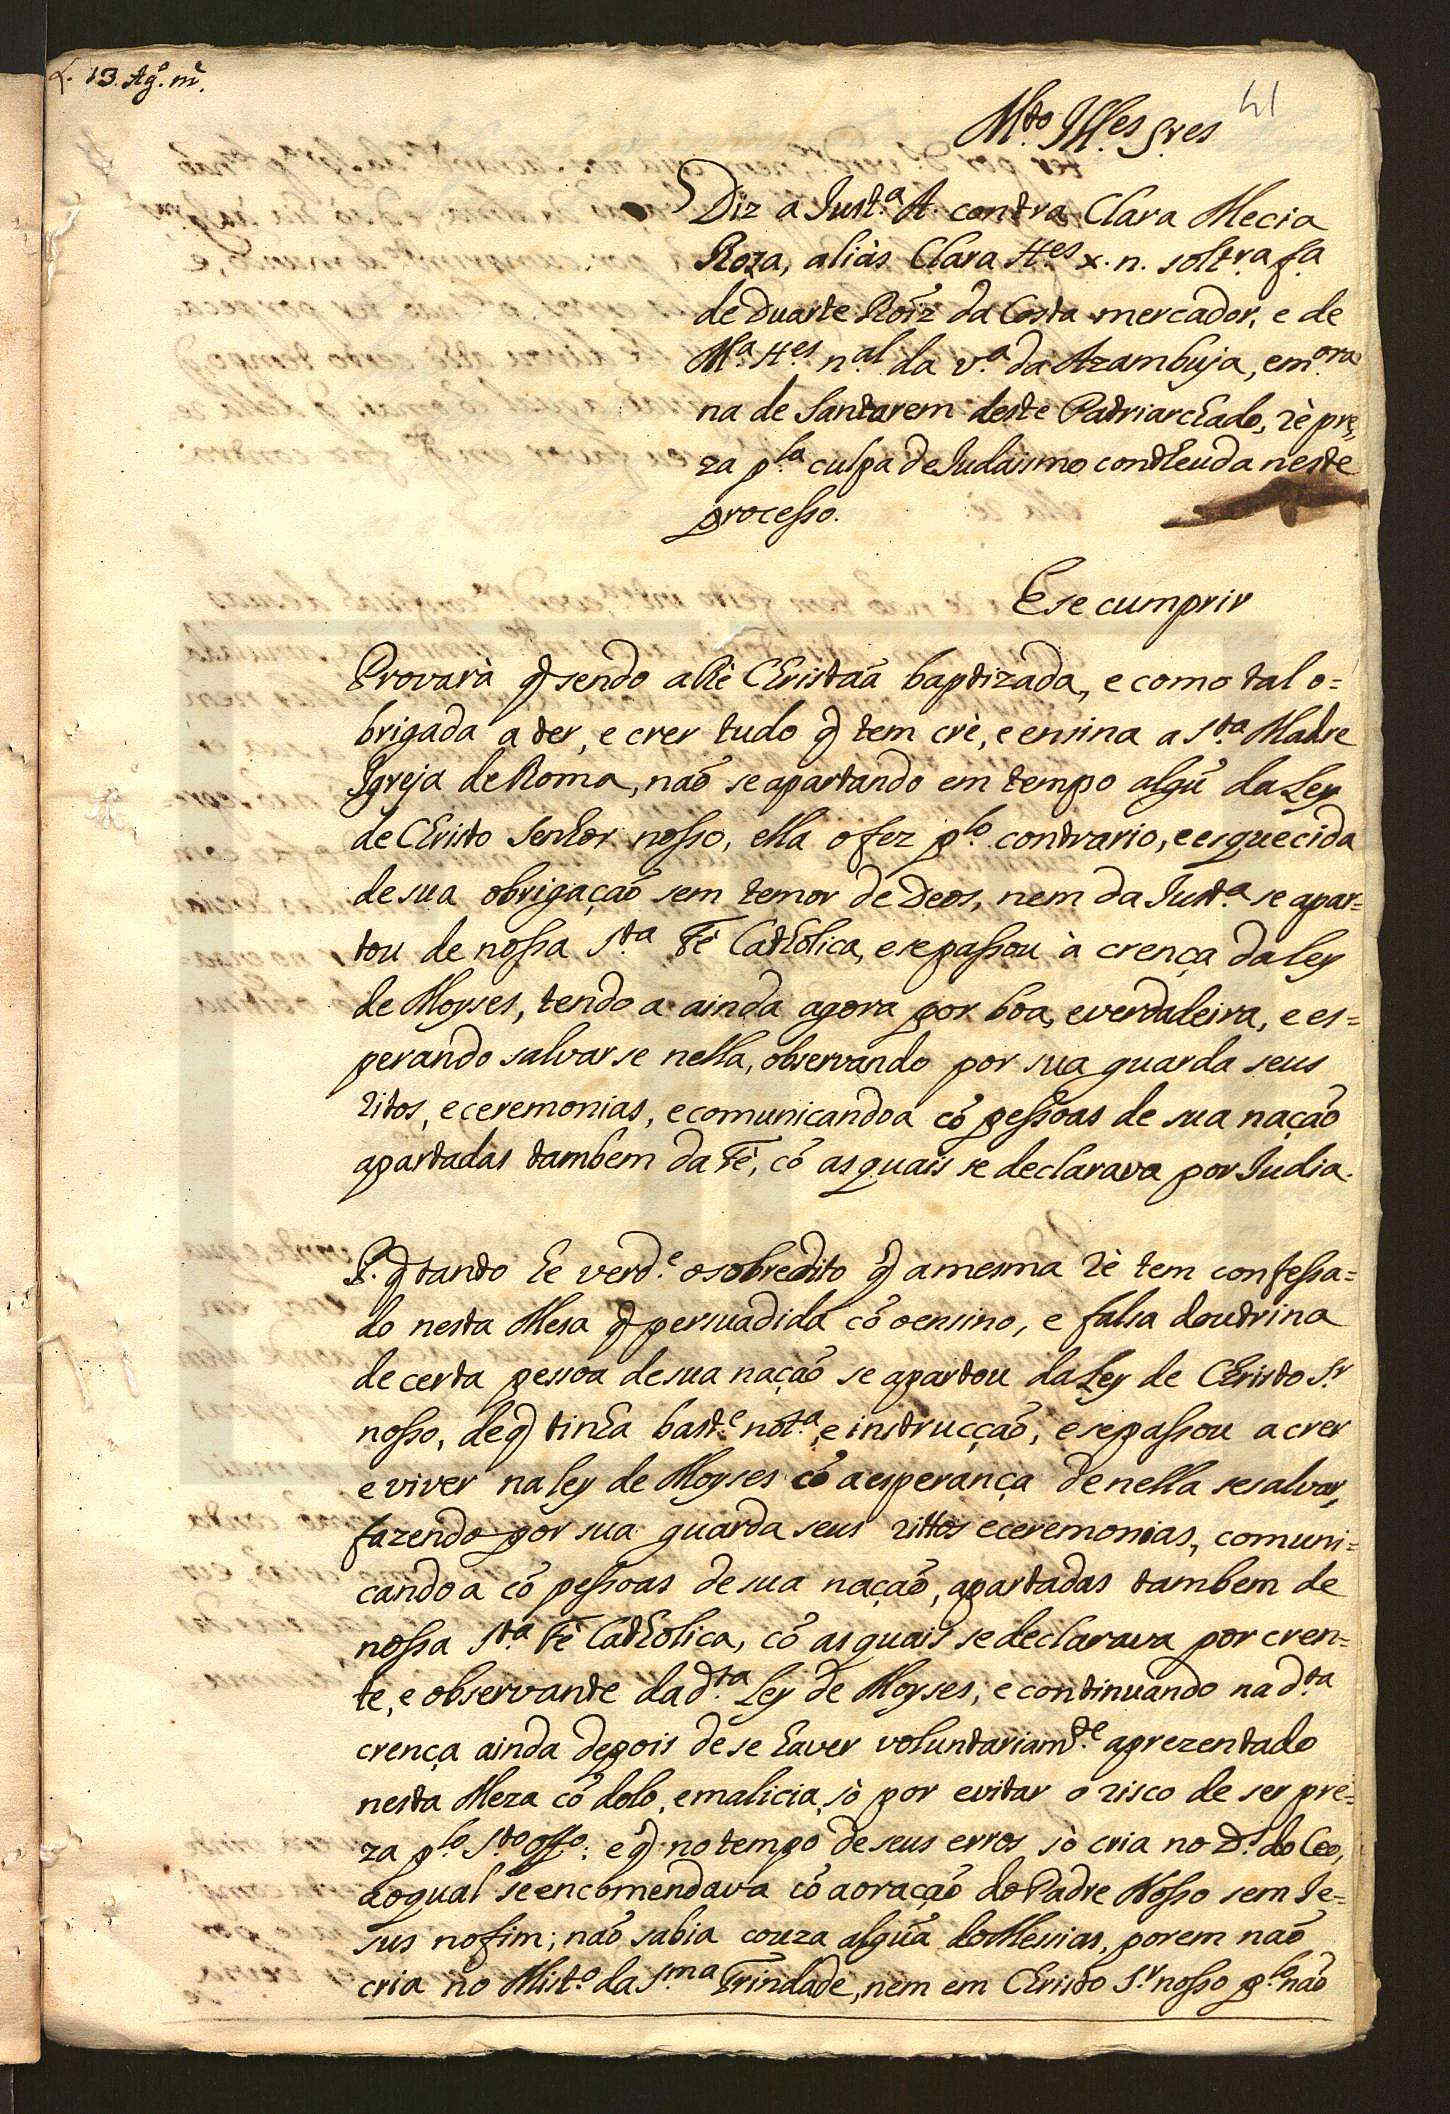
L. 13 Ag.o m.e
M.to Ill.es S.res
Diz a Iust.a A. contra Clara Mecia
Roza, aliás Clara H.es x. n. solt.ra f.a
de Duarte Roīz da Costa mercador, e de
M.a H.es n.al da v.a da Azambuja, e m.ora
na de Santarem deste Patriarchado, ré pre
za p.la culpa de Iudaismo contheuda neste
processo.
E se cumprir
Provará q̄ sendo a Ré Christaã baptizada, e como tal o
brigada a ter, e crer tudo q̄ tem cré, e ensina a s.ta Madre
Igreja de Roma, naõ se apartando em tempo algū da Ley
de Christo Senhor nosso, ella o fez p.lo contrario, e esquecida
de sua obrigaçaõ sem temor de Deos, nem da Iust.a se apar
tou de nossa St.a Fé Catholica, e se passou á crença da Ley
de Moyses, tendo a ainda agora por boa, e verdadeira, e es
perando salvar se nella, observando por sua guarda seus
ritos e ceremonias e comunicandoa cō pessoas de sua naçaõ
apartadas tambem da Fè, cō as quais se declarava por Iudia.
P. q̄ tanto he verd.e o sobredito q̄ a mesma ré tem confessa
do nesta Mesa q̄ persuadida co̅ o ensino, e falsa doutrina
de certa pessoa de sua naçaõ se apartou da Ley de Christo s.r
nosso, de q̄ tinha bast.e not.a, e instrucçaõ, e se passou a crer
e viver na ley de Moyses cō a esperança de nella se salvar,
fazendo por sua guarda seus rittos e ceremonias, comuni
candoa cō pessoas de sua naçaõ, apartadas tambem de
nossa S.ta Fé Catholica, cō as quais se declarava por cren
te, e observante da d.ta Ley de Moyses, e continuando na d.ta
crença ainda depois de se haver voluntariam.te aprezentado
nesta Meza cō dolo, e malicia só por evitar o risco de ser pre
za p.lo S.to off.o; e q̄ no tempo de seus erros só cria no D.s do Ceo,
ao qual se encomendava cō a oraçaõ do Padre Nosso sem Ie
sus no fim; naõ sabia couza alguā do Messias, porem naõ
cria no Mist.o da S.ma Trindade, nem em Christo S.r nosso p.lo naõ
